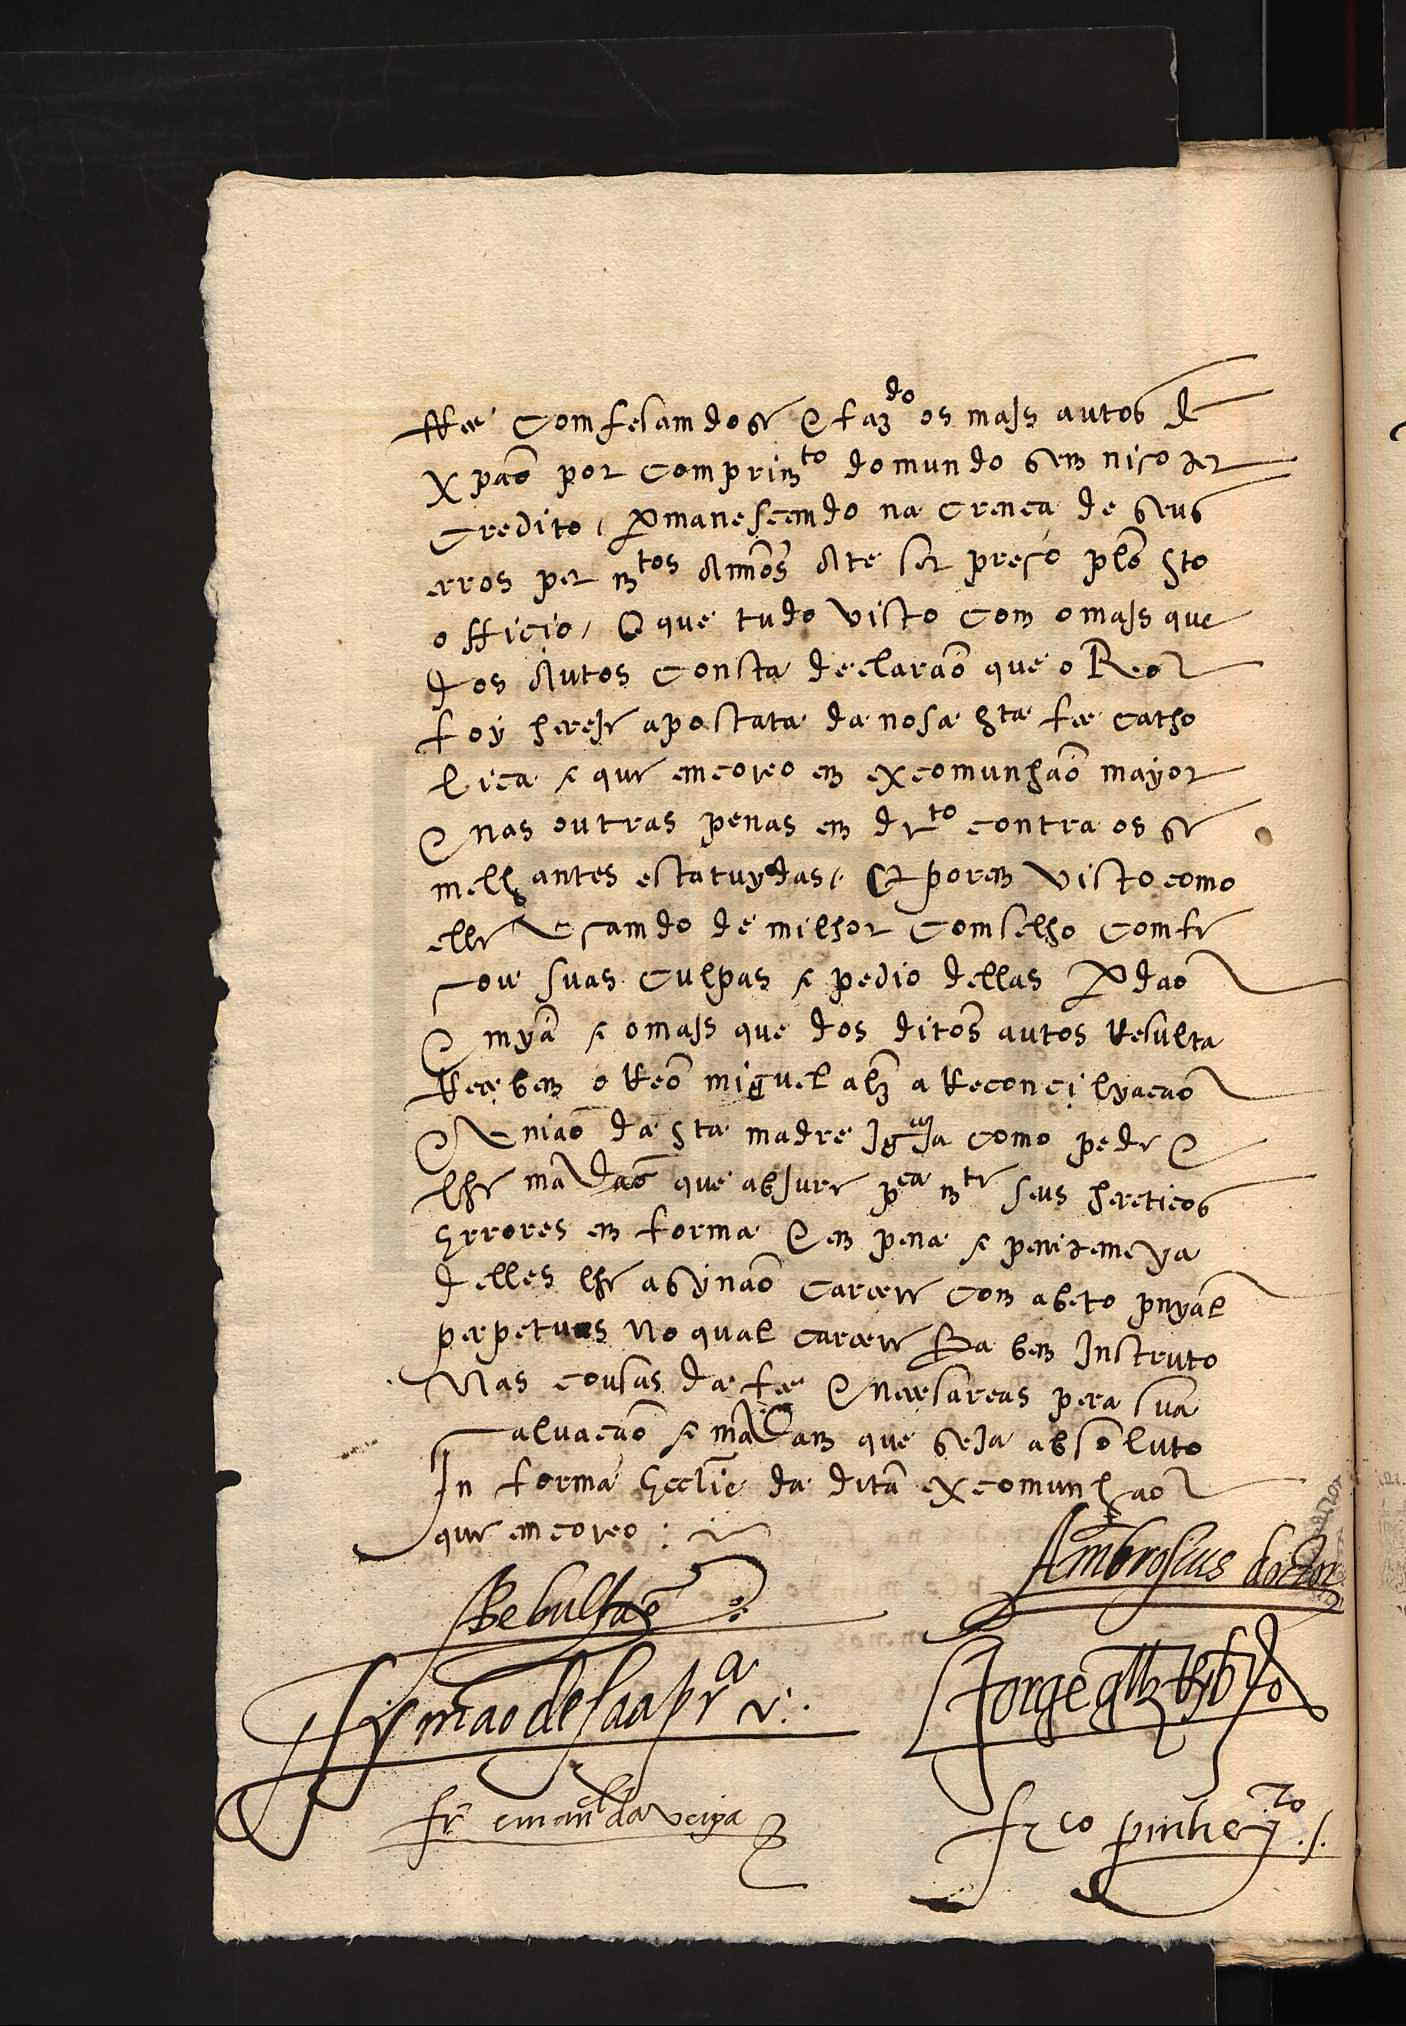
Fee comfesamdose e fazdo os majs autos de
Xpão por comprimto do mundo sem niso ter
credito, ꝑmaneseemdo na crença de seus
erros por mtos Ann̄os Ate ser preso pl̄o Sto
officio / E que tudo visto com o maJs que
dos Autos consta declarão que o Reo
foy hereJe apostata da nosa Sta fee catho
lica e que emcoreo em excomunhão mayor
e nas outras penas em drto contra os se
melhantes estatuydas /. E porem visto como
elle vsamdo de milhor comselho comfe
sou suas culpas e pedio dellas ꝑdaõ
e mȳa e o majs que dos ditōs autos Resulta
Recebem o Reō miguel al̄z a Reconcilyaçaõ
e vniaõ da sta madre JgreJa como pede e
lhe mādaõ que abJure pcamte seus hereticos
Errores em forma e em pena e penitemcya
delles lhe asynão carcere com abito pnyāl
perpetuos no qual carcere ꞩa bem Jnstruto
nas cousas da fee e necesareas pera sua
saluação e mādam que seJa absoluto
Jn forma Ecclīe da ditā eXcomunhaõ
que emcoreo
Ambrosius doctor
bulhaõ
Jorge ḡllz Rybro
Symão de Saa pra
fr̄ emanel da veiga
frco pinheyro
